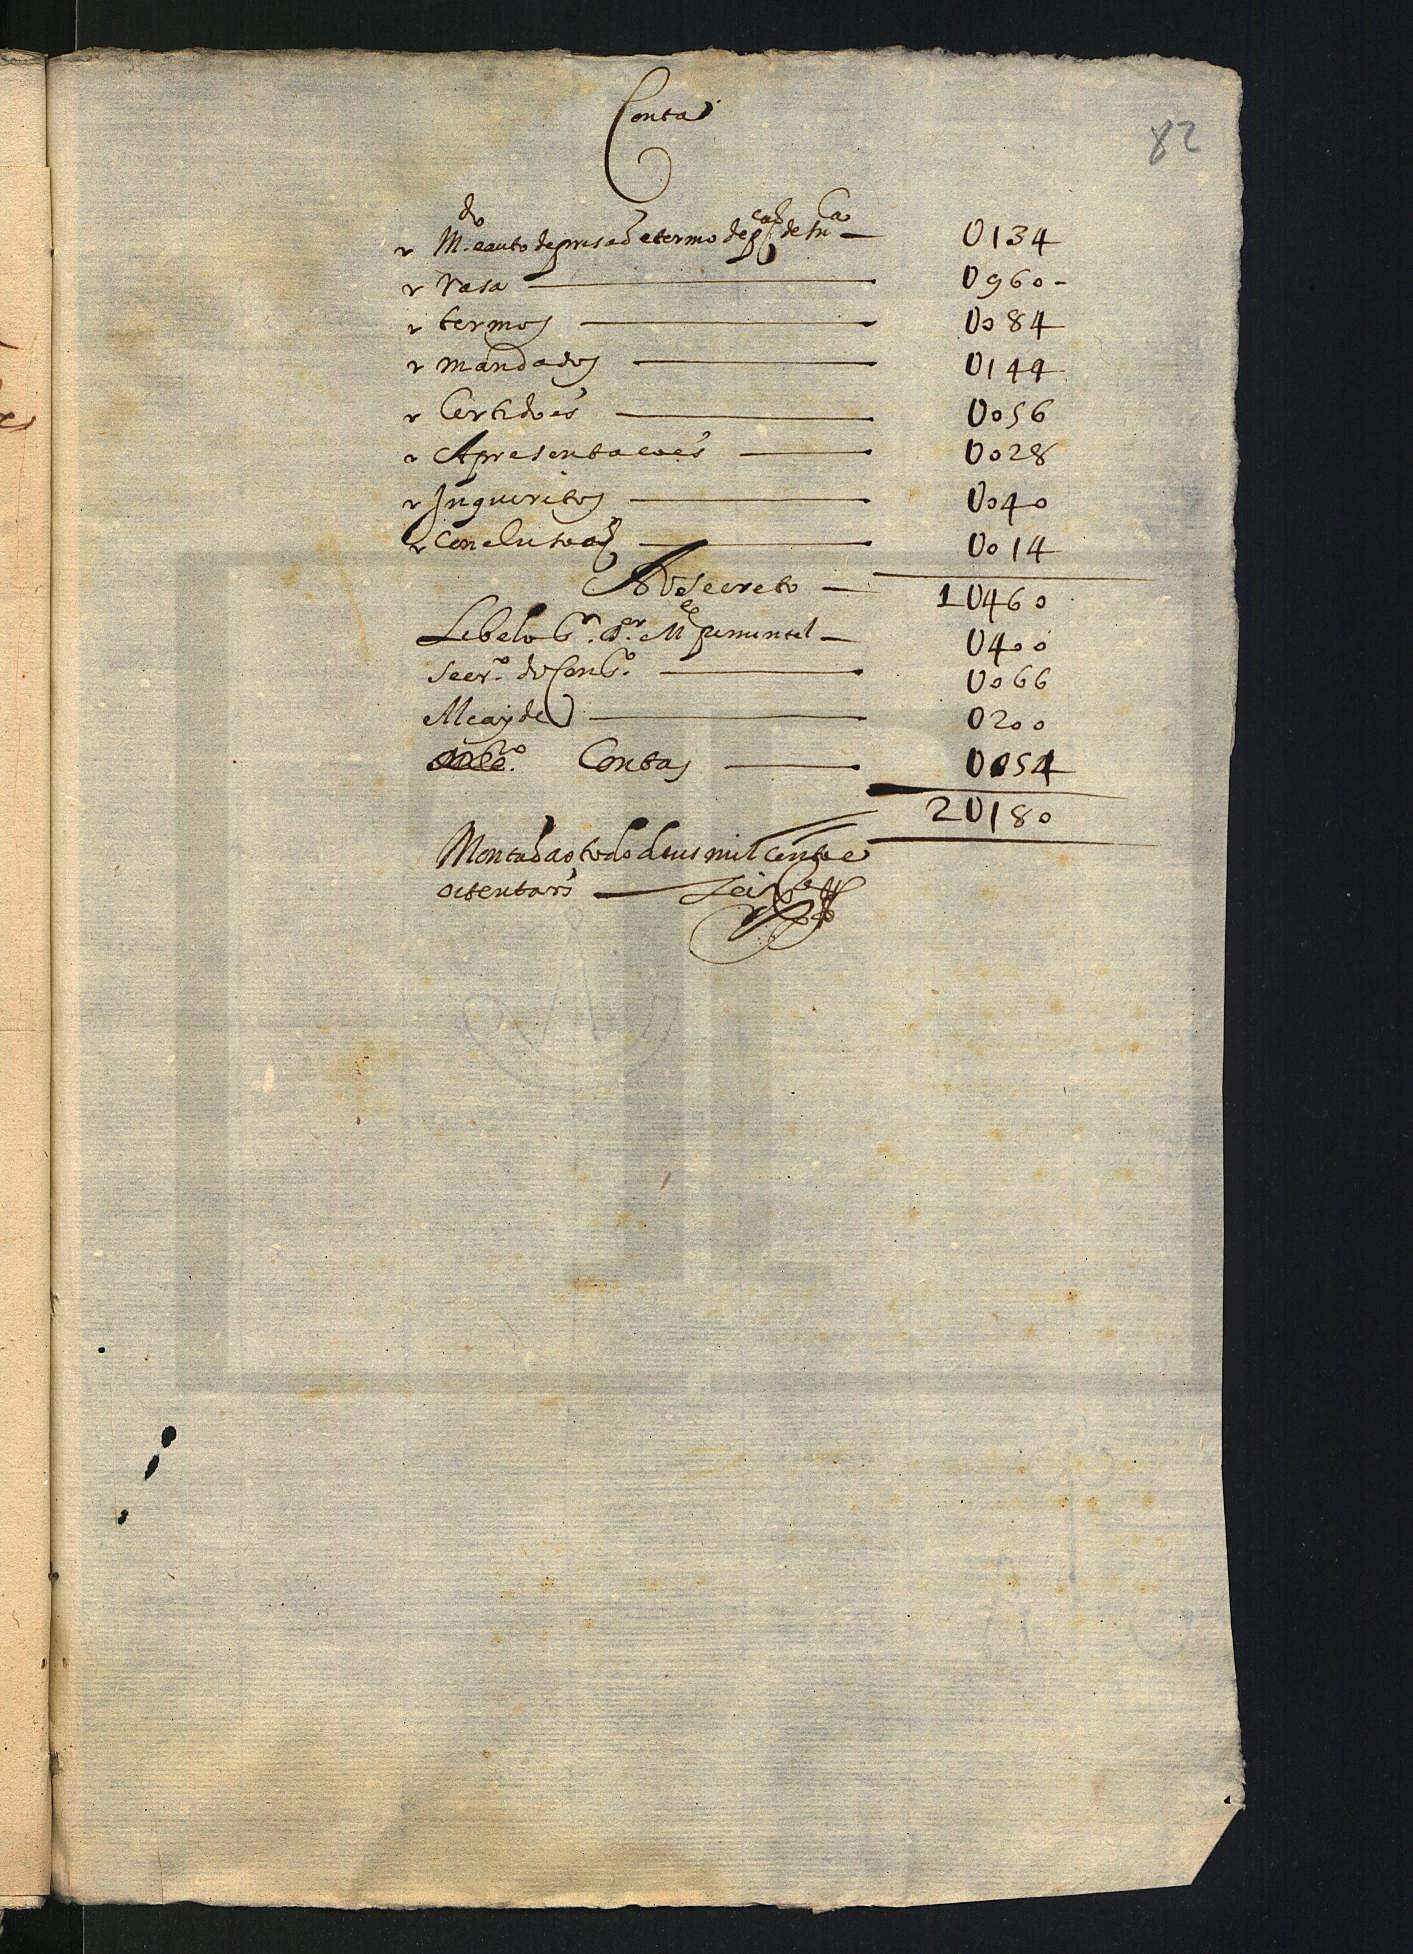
Conta
M.do e auto de prisaõ e termo de pçaõ de snCa – $134
Rasa – $960
termos – $084
mandados – $144
Certidoẽs – $056
Apresentações – $028
Jnqueritos – $040
conclusoaõ – $014
Ao secreto – 1$460
Libelo s.or D.or Mel pimentel – $400
Secr.o do Cons.o – $066
Alcayde – $200
Contas – $054
2$180
Montaõ ao todo dous mil cento e
oitenta rs̄
Teixra
